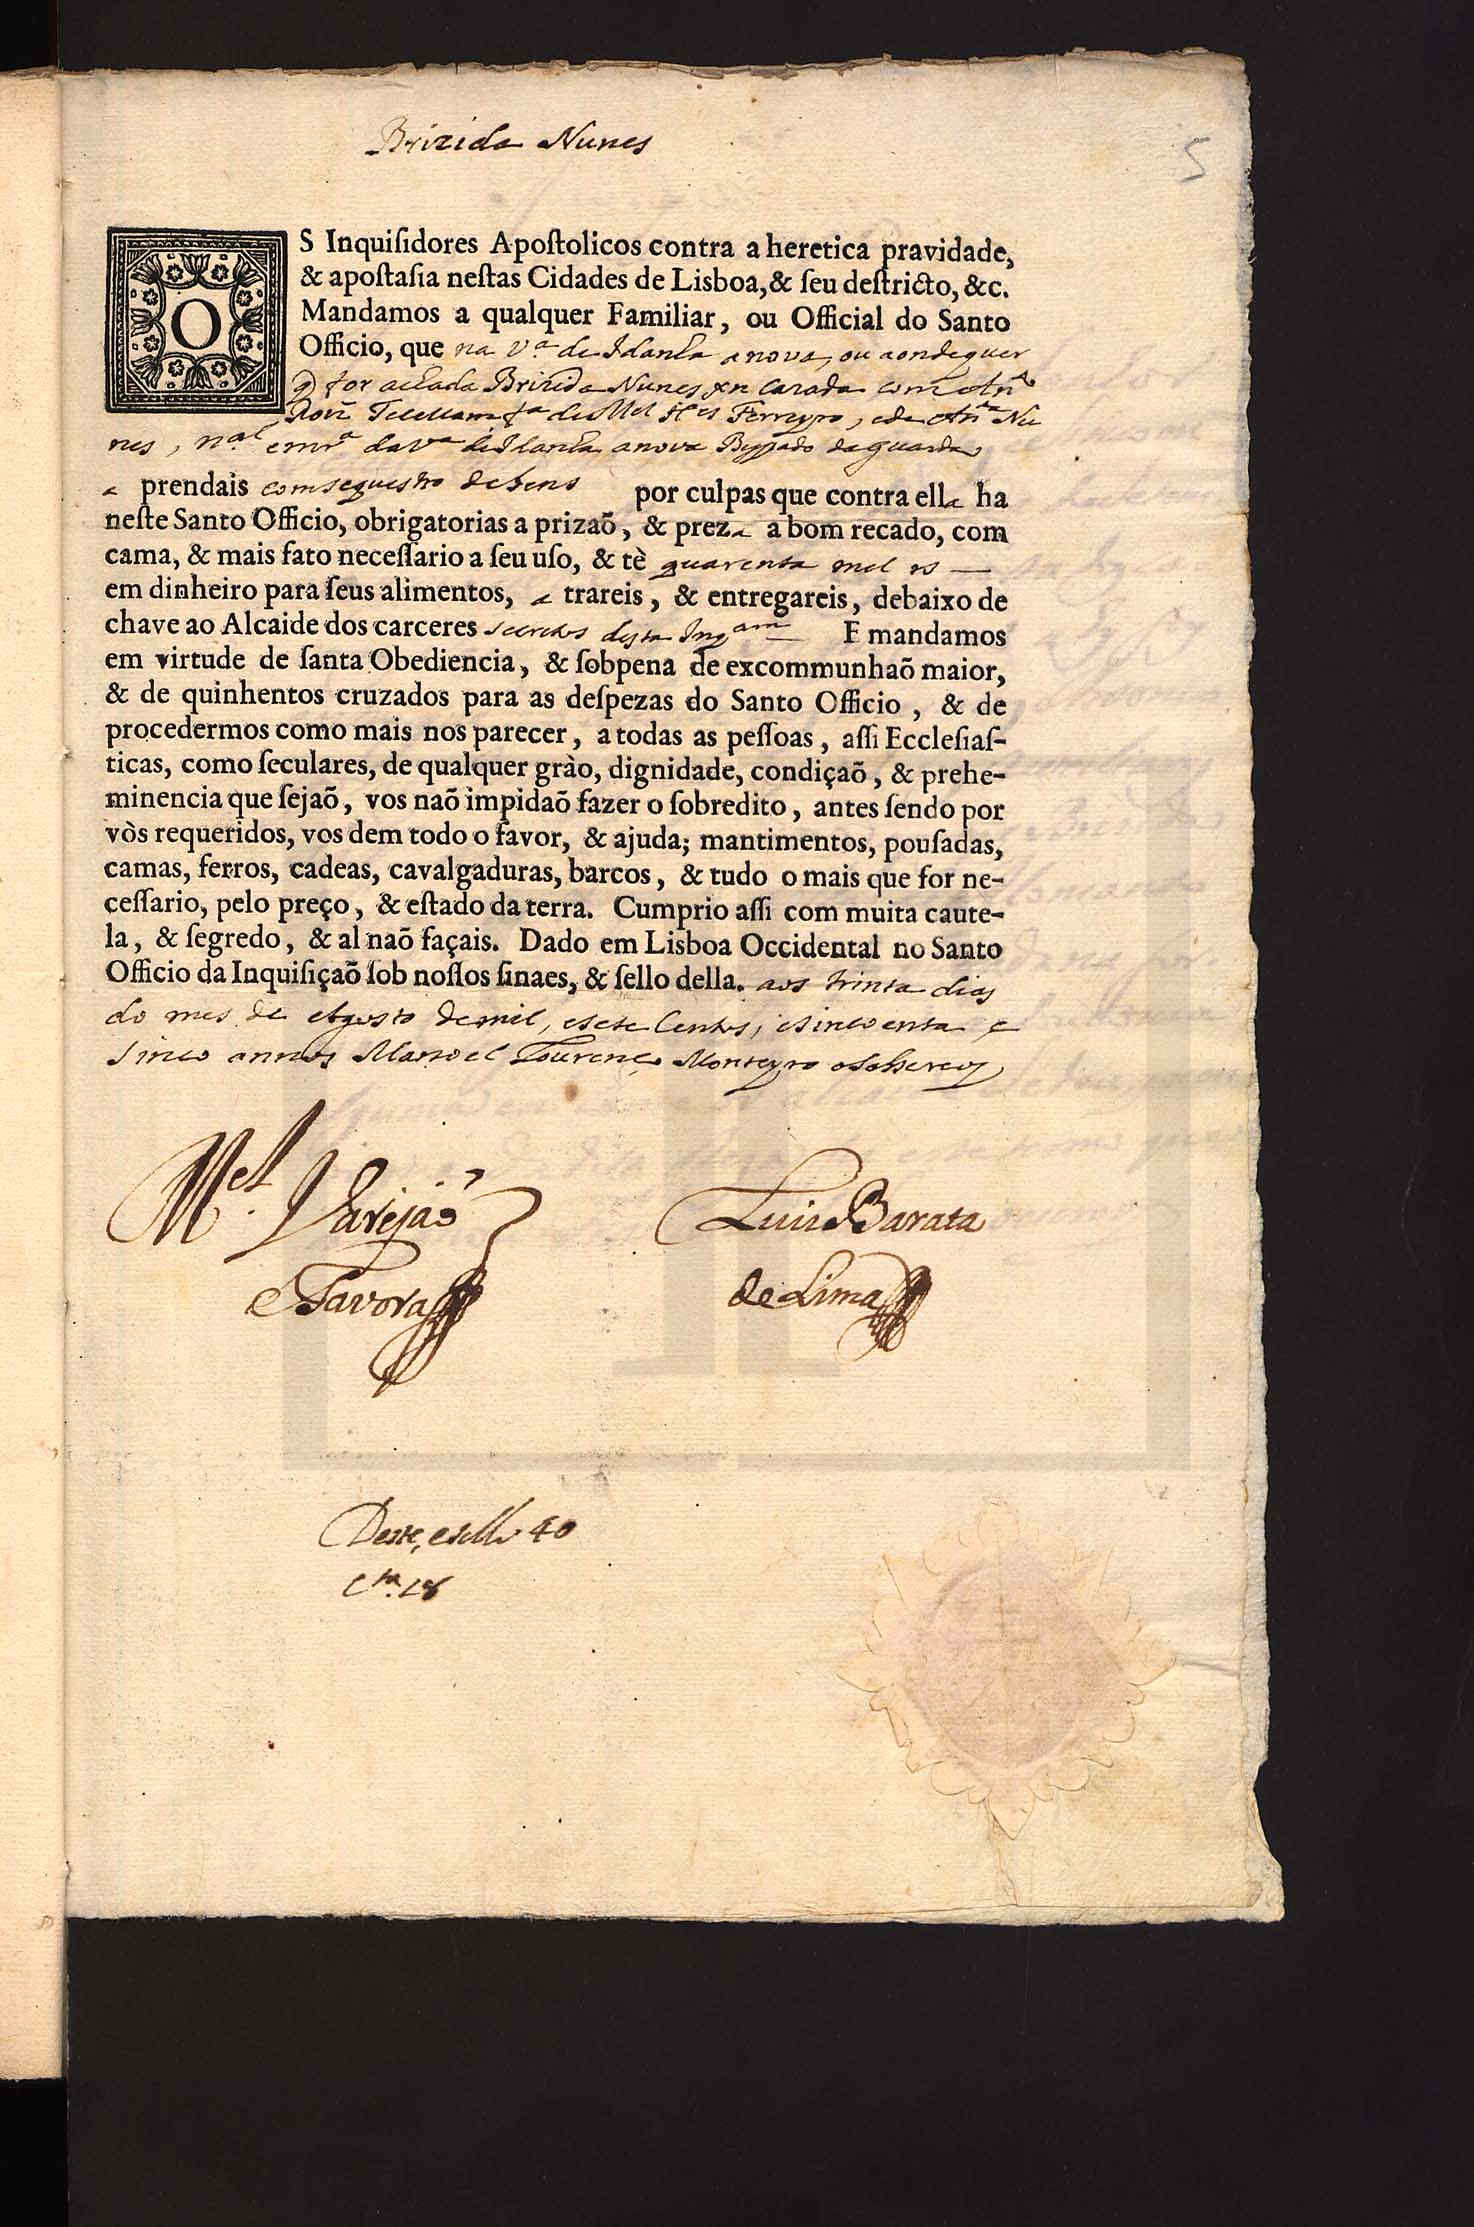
Brizida Nunes
OS Inquisidores Apostolicos contra a heretica pravidade,
& apostasia nestas Cidades de Lisboa, & seu destricto, &c.
Mandamos a qualquer Familiar, ou Official do Santo
Officio, que na V.a de Idanha a nova, ou aonde quer
q̄ for achada Brizida Nunes xn cazada com Anto
Roiz̄ Tecellam, fa de M.el Hes Ferreyro, e de Anta Nu
nes, n.al e mra da Va de Idanha a nova Bispado da guarda
a prendais com sequestro de bens
por culpas que contra ella ha
neste Santo Officio, obrigatorias a prizaõ, & preza a bom recado, com
cama, & mais fato necessario a seu uso, & tè quarenta mil rs
em dinheiro para seus alimentos, a trareis, & entregareis, debaixo de
chave ao Alcaide dos carceres secretos desta Inqam
E mandamos
em virtude de santa Obediencia, & sob pena de excommunhaõ maior,
& de quinhentos cruzados para as despezas do Santo Officio, & de
procedermos como mais nos parecer, a todas as pessoas, assi Ecclesias
ticas, como seculares, de qualquer grào, dignidade, condiçaõ, & prehe
minencia que sejaõ, vos naõ impidaõ fazer o sobredito, antes sendo por
vòs requeridos, vos dem todo o favor, & ajuda; mantimentos, pousadas,
camas, ferros, cadeas, cavalgaduras, barcos, & tudo o mais que for ne
cessario, pelo preço, & estado da terra. Cumprio assi com muita caute
la, & segredo, & al naõ façais. Dado em Lisboa Occidental no Santo
Officio da Inquisiçaõ sob nossos sinaes, & sello della. aos trinta dias
do mes de Agosto de mil, e setecentos, e sincoenta, e
sinco annos Manoel Lourenço Monteyro o sobscrevj
M.el Varejaõ
Luiz Barata
de Lima
e Tavora
Deste, e sello 40
cta 18
